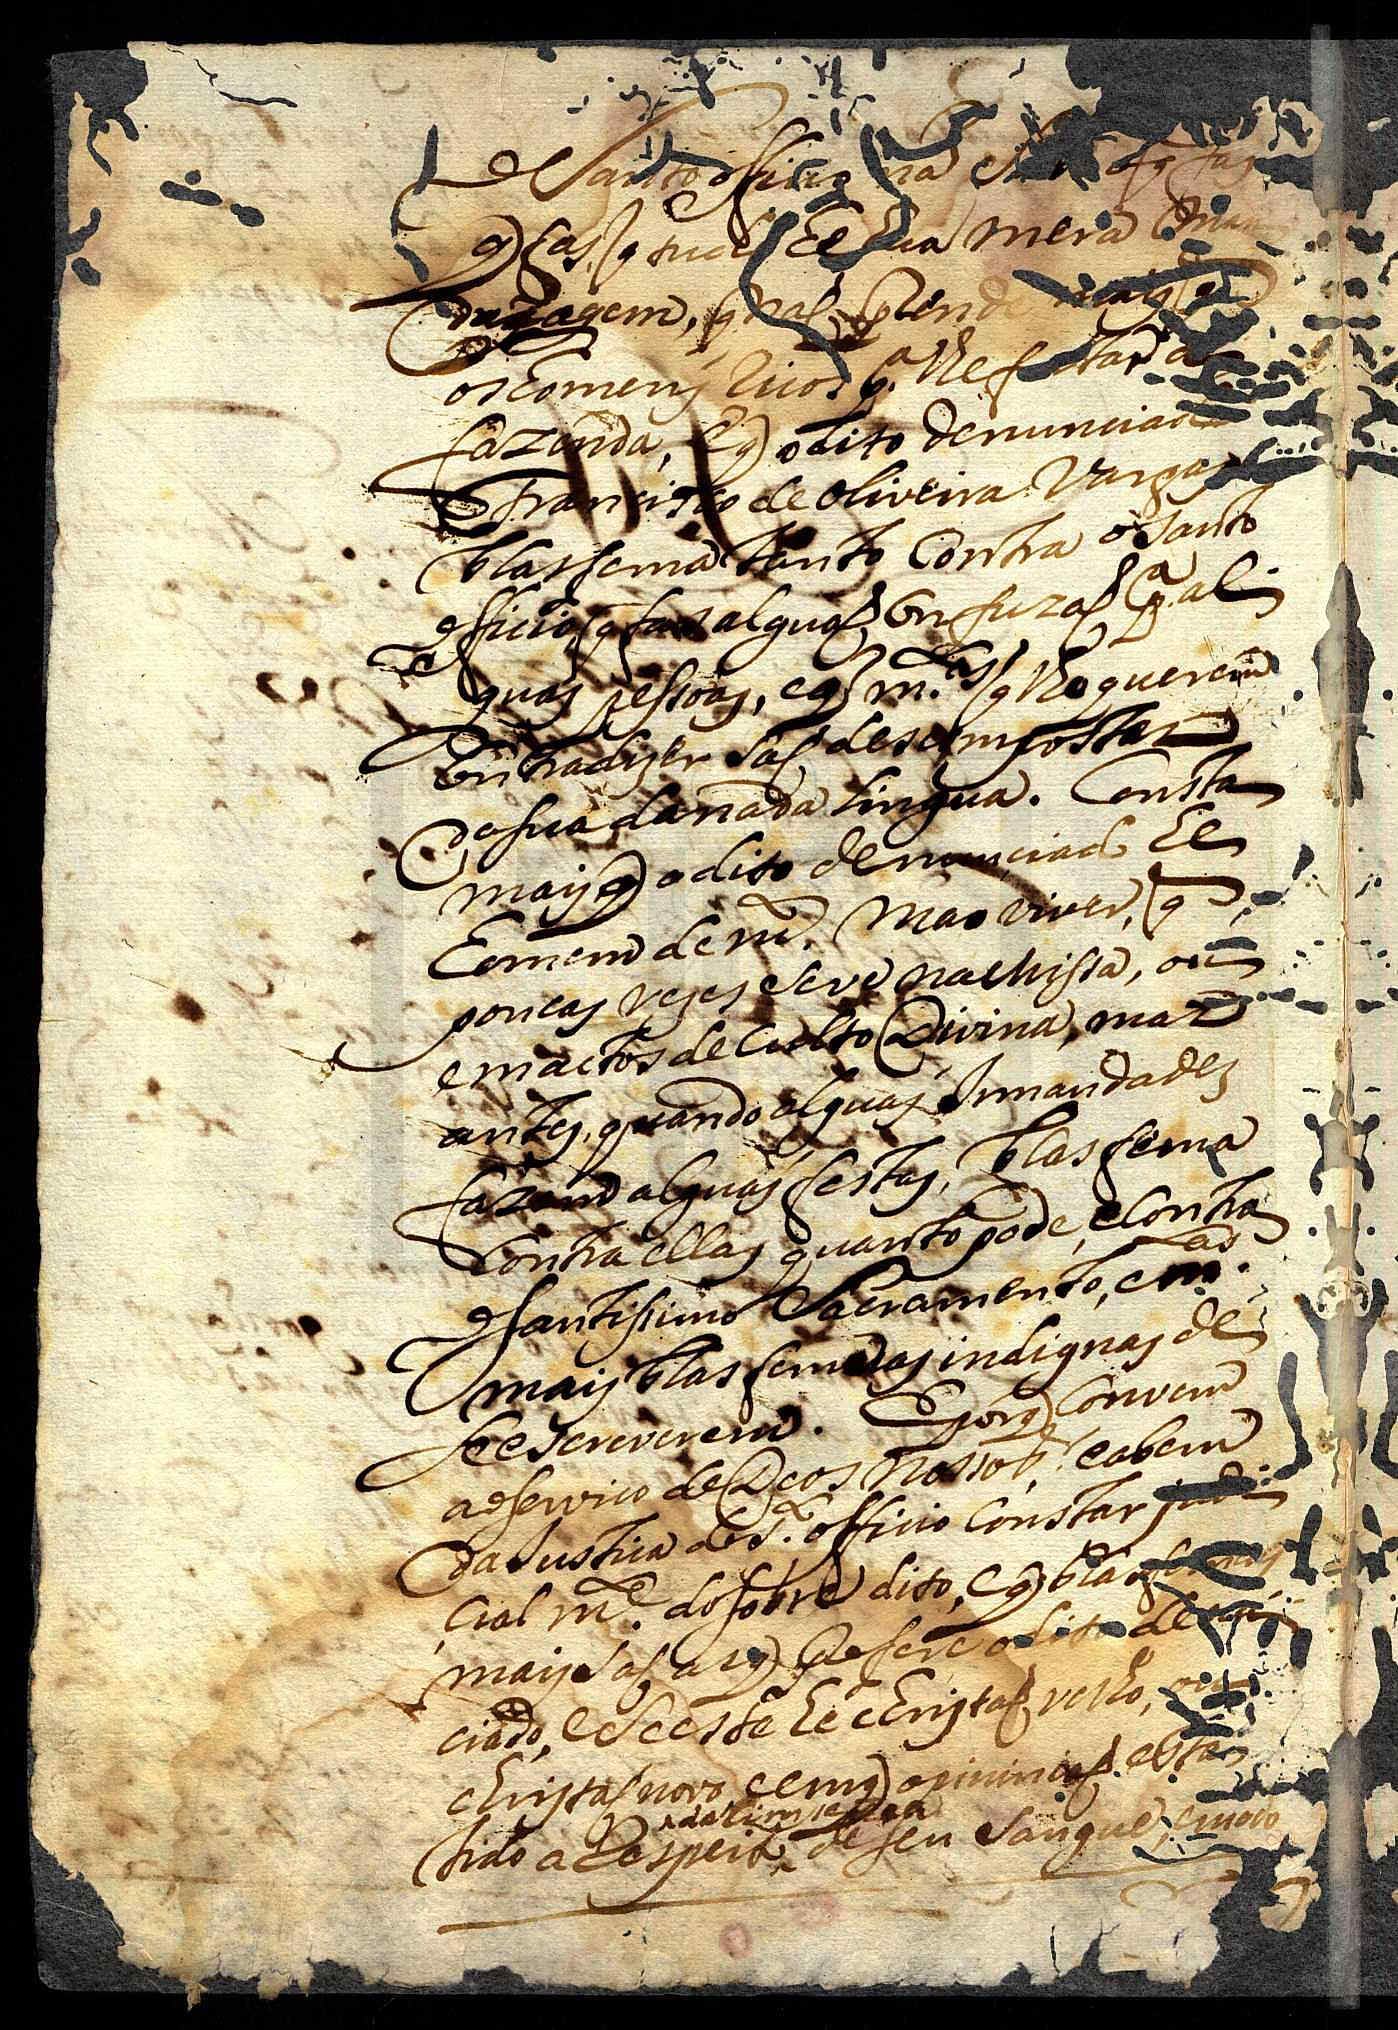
o Santo officio nā Sa o q̄ fas
q̄ fas, q̄ tud he hua mera man
duzagem, q̄ naõ prende mais q̄
os homens Ricos p.a lhe f_rtar a
fazenda, E q̄ o dito denunciado
Francisco de oliveira Vargas
blasfema tanto contra o Santo
officio, q̄ faz alguā confuzaõ pa. al
guas pessoas, e q̄ m.tas q̄ lho querem
Contradizer saõ descompostas
de sua danada lingua. Consta
mais, q̄ o dito denunciado he
homem de mto. mao viver, q̄
poucas vezes se ve na Missa, ou
em actos de Culto Divina, mas
antes, quando alguās Irmandades
fazem alguas̄ festas, blasfema
Contra ellas quanto pode, e Contra
o santissimo Sacramento, e mtas.
mais blasfemeas indignas de
se escreverem. E porq̄ Convem
ao serviço de Deos nosso s.or, e a bem
da Iustiça do s.to officio constar judi
cialm.te do sobredito, e q̄ blasfemias
mais saõ as q̄ profere o dito denu
ciado, e se este hé christaõ velho, ou
christaõ novo, e em q̄ opininiaõ esta
tido a Respeito de seu sangue, e modo
